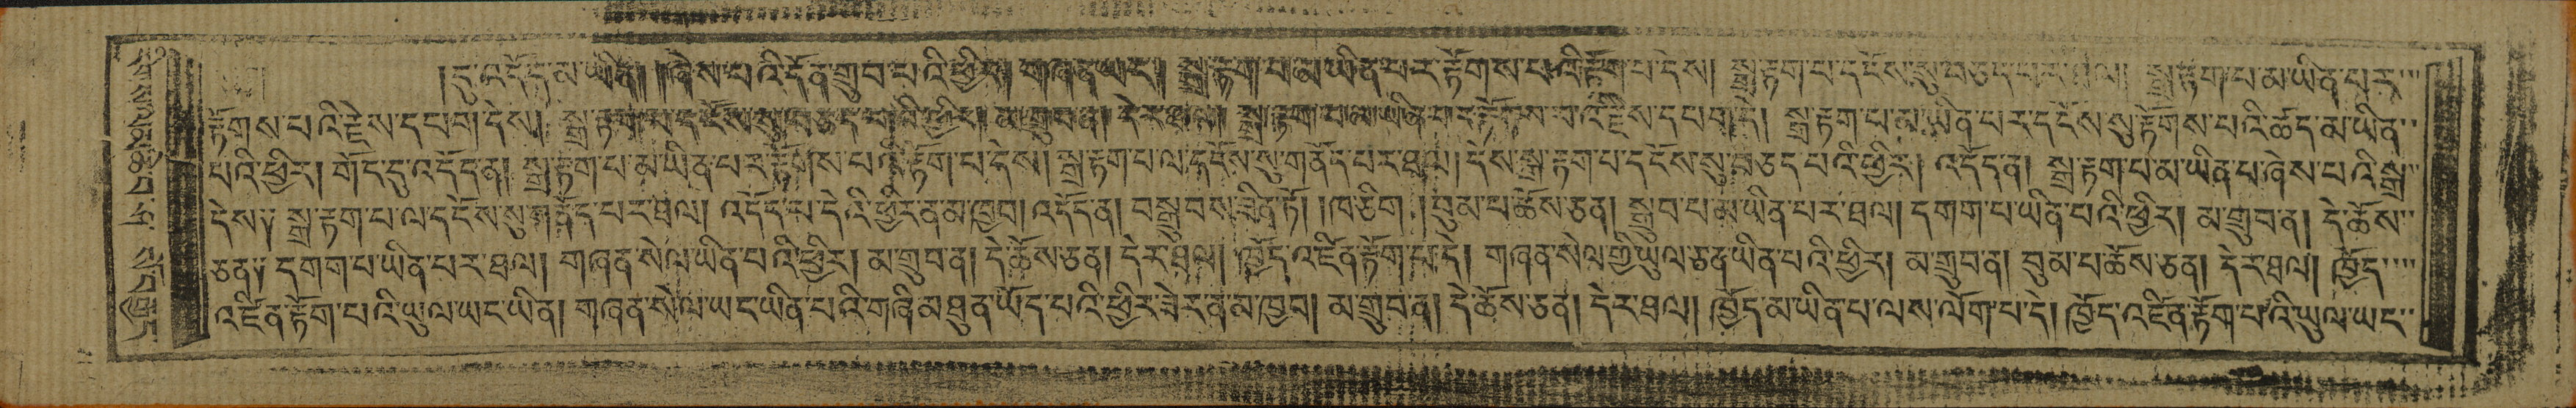༄༅། །དུ་འདོད་མ་ཡིན། །ཞེས་པའི་དོན་གྲུབ་པའི་ཕྱིར། གཞན་ཡང་། སྒྲ་རྟག་པ་མ་ཡིན་པར་རྟོགས་པའི་རྟོག་པ་དེས། སྒྲ་རྟག་པ་དངོས་སུ་བཅད་པར་ཐལ། སྒྲ་རྟག་པ་མ་ཡིན་པར་
རྟོགས་པའི་རྗེས་དཔག་དེས། སྒྲ་རྟག་པ་དངོས་སུ་བཅད་པའི་ཕྱིར། མ་གྲུབ་ན། དེར་ཐལ། སྒྲ་རྟག་པ་མ་ཡིན་པར་རྟོགས་པའི་རྗེས་དཔག་དེ། སྒྲ་རྟག་པ་མ་ཡིན་པར་དངོས་སུ་རྟོགས་པའི་ཚད་མ་ཡིན་
པའི་ཕྱིར། གོང་དུ་འདོད་ན། སྒྲ་རྟག་པ་མ་ཡིན་པར་རྟོགས་པའི་རྟོག་པ་དེས། སྒྲ་རྟག་པ་ལ་དངོས་སུ་གནོད་པར་ཐལ། དེས་སྒྲ་རྟག་པ་དངོས་སུ་བཅད་པའི་ཕྱིར། འདོད་ན། སྒྲ་རྟག་པ་མ་ཡིན་པ་ཞེས་པའི་སྒྲ་
དེས༑ སྒྲ་རྟག་པ་ལ་དངོས་སུ་གནོད་པར་ཐལ། འདོད་པ་དེའི་ཕྱིར་ན་མ་ཁྱབ། འདོད་ན། བསྒྲུབས་ཟིན་ཏོ། །ཁ་ཅིག །བུམ་པ་ཆོས་ཅན། སྒྲུབ་པ་མ་ཡིན་པར་ཐལ། དགག་པ་ཡིན་པའི་ཕྱིར། མ་གྲུབ་ན། དེ་ཆོས་
ཅན༑ དགག་པ་ཡིན་པར་ཐལ། གཞན་སེལ་ཡིན་པའི་ཕྱིར། མ་གྲུབ་ན། དེ་ཆོས་ཅན། དེར་ཐལ། ཁྱོད་འཛིན་རྟོག་པ་དེ། གཞན་སེལ་གྱི་ཡུལ་ཅན་ཡིན་པའི་ཕྱིར། མ་གྲུབ་ན། བུམ་པ་ཆོས་ཅན། དེར་ཐལ། ཁྱོད་
འཛིན་རྟོག་པའི་ཡུལ་ཡང་ཡིན། གཞན་སེལ་ཡང་ཡིན་པའི་གཞི་མཐུན་ཡོད་པའི་ཕྱིར་ཟེར་ན་མ་ཁྱབ། མ་གྲུབ་ན། དེ་ཆོས་ཅན། དེར་ཐལ། ཁྱོད་མ་ཡིན་པ་ལས་ལོག་པ་དེ། ཁྱོད་འཛིན་རྟོག་པའི་ཡུལ་ཡང་